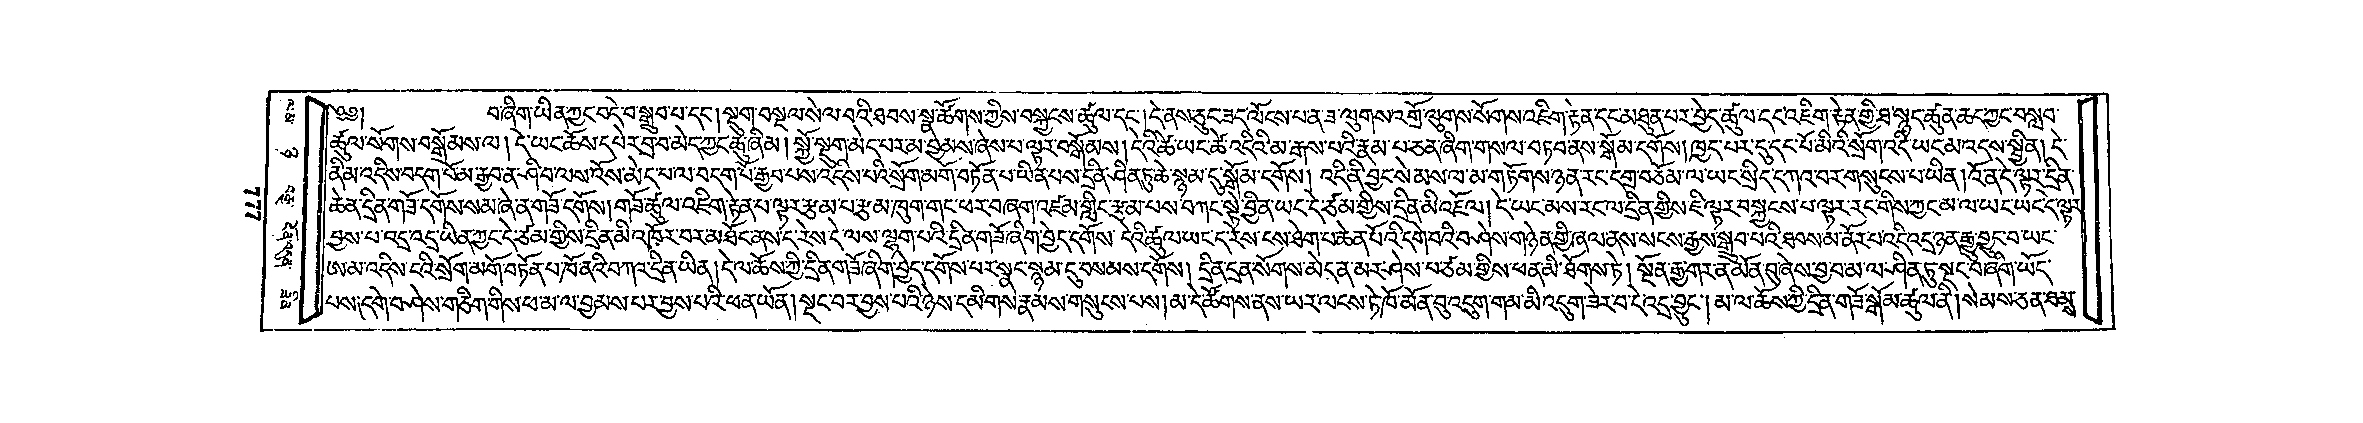༄༅། །བ་ཞིག་ཡིན་ཀྱང་བདེ་བ་སྒྲུབ་པ་དང་། སྡུག་བསྔལ་སེལ་བའི་ཐབས་སྣ་ཚོགས་ཀྱིས་བསྐྱངས་ཚུལ་དང་། དེ་ནས་ཅུང་ཟད་ལོངས་པ་ན་ཟ་ལུགས་འགྲོ་ལུགས་སོགས་འཇིག་རྟེན་དང་མཐུན་པར་བྱེད་ཚུལ་དང་འཇིག་རྟེན་གྱི་ཐ་སྙད་ཚུན་ཆད་ཀྱང་བསླབ་
ཚུལ་སོགས་བསྒྲོམས་ལ། དེ་ཡང་ཆོས་དཔེར་བྲ་བ་མེད་ཀྱང་ཆུ་ཞིམ། སྐྱོ་སྡུག་མེད་པར་མ་བྱམས་ཞེས་པ་ལྟར་བསྒོམས། དེའི་ཚེ་ཡང་ཚེ་འདིའི་མ་རྒས་པའི་རྣམ་པ་ཅན་ཞིག་གསལ་བཏབ་ནས་སྒོམ་དགོས། ཁྱད་པར་དུ་དང་པོ་མིའི་སྲོག་འདི་ཡང་མ་འདས་སྦྱིན། དེ་
ནི་མ་འདིས་བདག་པོ་མ་རྒྱབ་ན་ཤི་བ་ལས་འོས་མེད་པ་ལ་བདག་པོ་རྒྱབ་པས་འདིས་པའི་སྲོག་མགོ་བཏོན་པ་ཡིན་པས་དྲིན་ཤིན་ཏུ་ཆེ་སྙམ་དུ་སྒོམ་དགོས། འདི་ནི་བྱང་སེམས་ལ་མ་གཏོགས་ཉན་རང་དགྲ་བཅོམ་ལ་ཡང་སྲིད་དཀའ་བར་གསུངས་པ་ཡིན། འོ་ནོ་དེ་ལྟར་དྲིན་
ཆེན་དྲིན་གཟོ་དགོས་སམ་ཞེ་ན་གཟོ་དགོས། གཟོ་ཚུལ་འཇིག་རྟེན་པ་ལྟར་རྩམ་པ་རྩམ་ཁུག་གང་ཕར་བཞག་འཛམ་གླིང་རྩམ་པས་བཀང་སྟེ་བྱིན་ཡང་དེ་ཙམ་གྱིས་དྲིན་མི་འཇོལ། དེ་ཡང་མས་རང་ལ་དྲིན་གྱིས་ཇི་ལྟར་བསྐྱངས་པ་ལྟར་རང་གིས་ཀྱང་མ་ལ་ཡང་ཡང་དེ་ལྟར་
བྱས་པ་འདྲ་འདྲ་ཡིན་ཀྱང་དེ་ཙམ་གྱིས་དྲིན་མི་འཁོར་བར་མཐོང་ནས་ད་རེས་དེ་ལས་ལྷག་པའི་དྲིན་གཟོ་ཞིག་བྱེད་དགོས་དེའི་ཚུལ་ཡང་ད་རེས་ངས་ཐེག་པ་ཆེན་པོའི་དགེ་བའི་བཤེས་གཉེན་གྱི་ཞལ་ནས་སངས་རྒྱས་སྒྲུབ་པའི་ཐབས་མ་ནོར་པ་འདི་འདྲ་ཉན་རྒྱུ་བྱུང་བ་ཡང་
ཨ་མ་འདིས་ངའི་སྲོག་མགོ་བཏོན་པ་ཁོ་ནའི་བཀའ་དྲིན་ཡིན། དེ་ལ་ཆོས་ཀྱི་དྲིན་གཟོ་ཞིག་བྱེད་དགོས་པར་སྣང་སྙམ་དུ་བསམས་དགོས། དྲིན་དྲན་སོགས་མེད་ན་མར་ཤེས་པ་ཙམ་གྱིས་ཕན་མི་ཐོགས་ཏེ། སྔོན་རྒྱ་གར་ན་མོན་བུ་ཞེས་བྱ་བ་མ་ལ་ཤིན་ཏུ་སྡང་བ་ཞིག་ཡོད་
པས། དགེ་བཤེས་གཅིག་གིས་ཕ་མ་ལ་བྱམས་པར་བྱས་པའི་ཕན་ཡོན། སྡང་བར་བྱས་པའི་ཉེས་དམིགས་རྣམས་གསུངས་པས། མ་དེ་ཚོགས་ནས་ཡར་ལངས་ཏེ་ཁོ་མོན་བུ་འདུག་གམ་མི་འདུག་ཟེར་བ་དེ་འདྲ་བྱུང་། མ་ལ་ཆོས་ཀྱི་དྲིན་གཟོ་སྒོམ་ཚུལ་ནི། སེམས་ཅན་ཐམས་